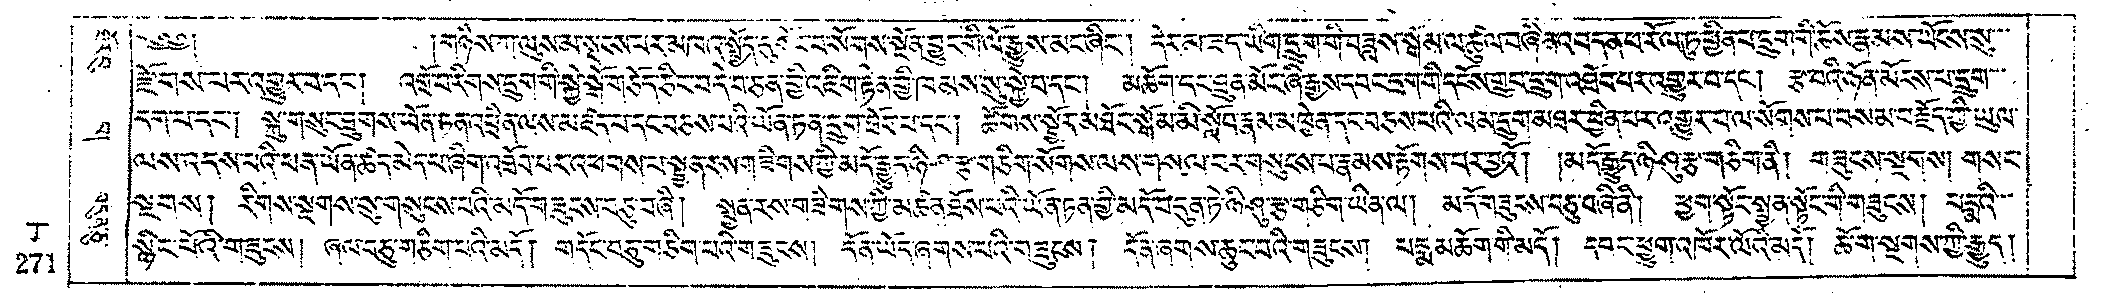༄༅། །གཉིས་ཀ་ལུས་མ་སྤངས་པར་མཁའ་སྤྱོད་དུ་སོང་བ་སོགས་སྔོན་བྱུང་གི་ལོ་རྒྱུས་མང་ཞིང་། དེར་མ་ཟད་ཡིག་དྲུག་གི་བཟླས་སྒོམ་ལ་ཚུལ་བཞིན་འབད་ན་ཕ་རོལ་ཏུ་ཕྱིན་པ་དྲུག་གི་ཆོས་རྣམས་ཡོངས་སུ་་་
རྫོགས་པར་འགྱུར་བ་དང་། འགྲོ་བ་རིགས་དྲུག་གི་སྐྱེ་སྒོ་གཅོད་ཅིང་བདེ་བ་ཅན་གྱི་འཇིག་རྟེན་གྱི་ཁམས་སུ་སྐྱེ་བ་དང་། མཆོག་དང་ཐུན་མོང་ཞི་རྒྱས་དབང་དྲག་གི་དངོས་གྲུབ་དྲུག་འཐོབ་པར་འགྱུར་བ་དང་། རྩ་བའི་ཉོན་མོངས་པ་དྲུག་་་
དག་པ་དང་། སྐུ་གསུང་ཐུགས་ཡོན་ཏན་འཕྲིན་ལས་མཛད་པ་དང་བཅས་པའི་ཡོན་ཏན་དྲུག་ཐོབ་པ་དང་། ཚོགས་སྦྱོར་མཐོང་སྒོམ་མི་སློབ་རྣམ་མཁྱེན་དང་བཅས་པའི་ལམ་དྲུག་མཐར་ཕྱིན་པར་འགྱུར་བ་ལ་སོགས་པ་བསམ་བརྗོད་ཀྱི་ཡུལ་
ལས་འདས་པའི་ཕན་ཡོན་ཚད་མེད་པ་ཞིག་འཐོབ་པར་འཕགས་པ་སྤྱན་རས་གཟིགས་ཀྱི་མདོ་རྒྱུད་ཉི་ཤུ་རྩ་གཅིག་སོགས་ལས་གསལ་བར་གསུངས་པ་རྣམས་རྟོགས་པར་བྱའོ། །མདོ་རྒྱུད་ཉི་ཤུ་རྩ་གཅིག་ནི། གཟུངས་སྔགས། གསང་
སྔགས། རིགས་སྔགས་སུ་གསུངས་པའི་མདོ་གཟུངས་བཅུ་བཞི། སྤྱན་རས་གཟིགས་ཀྱི་མཚན་ཐོས་པའི་ཡོན་ཏན་གྱི་མདོ་བདུན་ཏེ་ཉི་ཤུ་རྩ་གཅིག་ཡིན་ལ། མདོ་གཟུངས་བཅུ་བཞི་ནི། ཕྱག་སྟོང་སྤྱན་སྟོང་གི་གཟུངས། པདམའི་་་
སྙིང་པོའི་གཟུངས། ཞལ་བཅུ་གཅིག་པའི་མདོ། གདོང་བཅུ་གཅིག་པའི་གཟུངས། དོན་ཡོད་ཞགས་པའི་གཟུངས། དོན་ཞགས་ཆུང་བའི་གཟུངས། པདམ་མཆོག་གི་མདོ། དབང་ཕྱུག་འཁོར་ལོའི་མདོ། ཆོ་ག་སྔགས་ཀྱི་རྒྱུད།